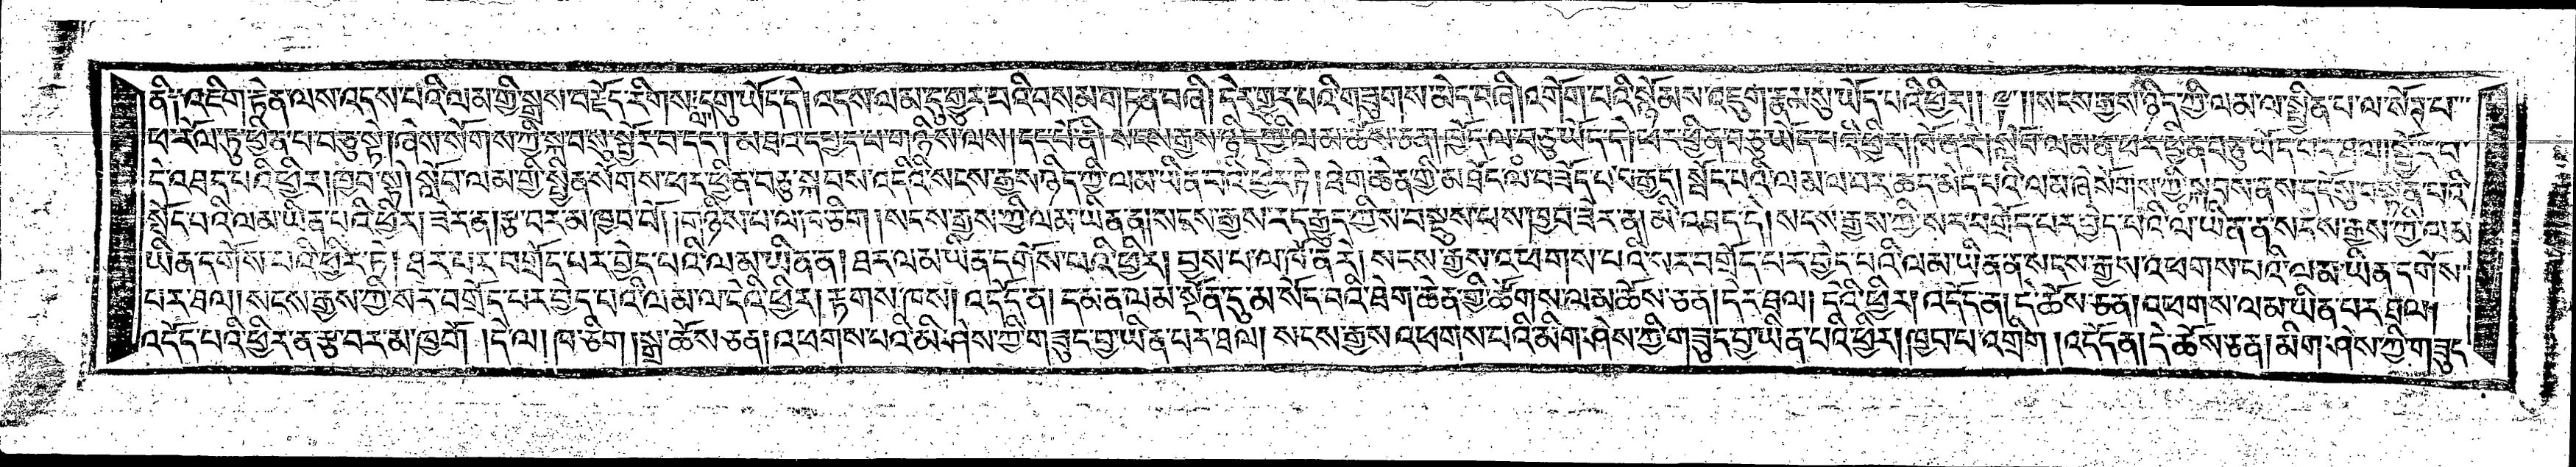ནི༑ འཇིག་རྟེན་ལས་འདས་པའི་ལམ་གྱི་སྒྲས་བརྗོད་རིགས་ལ་དགུ་ཡོད་དེ། འདས་ལམ་དུ་གྱུར་པའི་བསམ་གཏན་བཞི། དེར་གྱུར་པའི་གཟུགས་མེད་བཞི། འགོག་པའི་སྙོམས་འཇུག་རྣམས་སུ་ཡོད་པའི་ཕྱིར།། ༈ །།སངས་རྒྱས་ཉིད་ཀྱི་ལམ་ལ་སྦྱིན་པ་ལ་སོགས་པ་
ཕ་རོལ་ཏུ་ཕྱིན་པ་བཅུ་སྟེ། ཞེས་སོགས་ཀྱི་སྐབས་སུ་སྦྱོར་བ་དང་། མཐའ་དཔྱད་པ་གཉིས་ལས། དང་པོ་ནི། སངས་རྒྱས་ཉིད་ཀྱི་ལམ་ཆོས་ཅན། ཁྱོད་ལ་བཅུ་ཡོད་དེ། ཕར་ཕྱིན་བཅུ་ཡོད་པའི་ཕྱིར། ཁོ་ན་རེ། སློབ་ལམ་ན་ཕར་ཕྱིན་བཅུ་ཡོད་པར་ཐལ། སྦྱོར་བ་
དེ་འཐད་པའི་ཕྱིར། ཁྱབ་སྟེ། སློབ་ལམ་གྱི་སྦྱིན་སོགས་ཕར་ཕྱིན་བཅུ་སྐབས་འདིའི་སངས་རྒྱས་ཉིད་ཀྱི་ལམ་ཡིན་པའི་ཕྱིར་ཏེ། ཐེག་ཆེན་གྱི་མཐོང་ལམ་བཟོད་པ་བརྒྱད། སྤོང་བའི་ལམ་ལ་བར་ཆད་མེད་པའི་ལམ་ཞེས་སོགས་ཀྱི་སྐབས་ནས་དངོས་སུ་བསྟན་པའི་
སྤོང་བའི་ལམ་ཡིན་པའི་ཕྱིར། ཟེར་ན། རྩ་བར་མ་ཁྱབ་བོ། །གཉིས་པ་ལ་ཁ་ཅིག །སངས་རྒྱས་ཀྱི་ལམ་ཡིན་ན། སངས་རྒྱས་རང་རྒྱུད་ཀྱིས་བསྡུས་པས་ཁྱབ་ཟེར་ན། མི་འཐད་དེ། སངས་རྒྱས་ཀྱི་སར་བགྲོད་པར་བྱེད་པའི་ལམ་ཡིན་ན་སངས་རྒྱས་ཀྱི་ལམ་
ཡིན་དགོས་པའི་ཕྱིར་ཏེ། ཐར་པར་བགྲོད་པར་བྱེད་པའི་ལམ་ཡིན་ན། ཐར་ལམ་ཡིན་དགོས་པའི་ཕྱིར། བྱས་པ་ལ་ཁོ་ན་རེ། སངས་རྒྱས་འཕགས་པའི་སར་བགྲོད་པར་བྱེད་པའི་ལམ་ཡིན་ན་སངས་རྒྱས་འཕགས་པའི་ལམ་ཡིན་དགོས་
པར་ཐལ། སངས་རྒྱས་ཀྱི་སར་བགྲོད་པར་བྱེད་པའི་ལམ་ལ་དེའི་ཕྱིར། རྟགས་ཁས། འདོད་ན། དམན་ལམ་སྔོན་དུ་མ་སོང་བའི་ཐེག་ཆེན་གྱི་ཚོགས་ལམ་ཆོས་ཅན། དེར་ཐལ། དེའི་ཕྱིར། འདོད་ན། དེ་ཆོས་ཅན། འཕགས་ལམ་ཡིན་པར་ཐལ།
འདོད་པའི་ཕྱིར་ན་རྩ་བར་མ་ཁྱབ་བོ། །དེ་ལ། ཁ་ཅིག །སྒྲ་ཆོས་ཅན། འཕགས་པའི་མི་ཤེས་ཀྱི་གཟུང་བྱ་ཡིན་པར་ཐལ། སངས་རྒྱས་འཕགས་པའི་མིག་ཤེས་ཀྱི་གཟུང་བྱ་ཡིན་པའི་ཕྱིར། ཁྱབ་པ་འགྲིག །འདོད་ན། དེ་ཆོས་ཅན། མིག་ཤེས་ཀྱི་གཟུང་